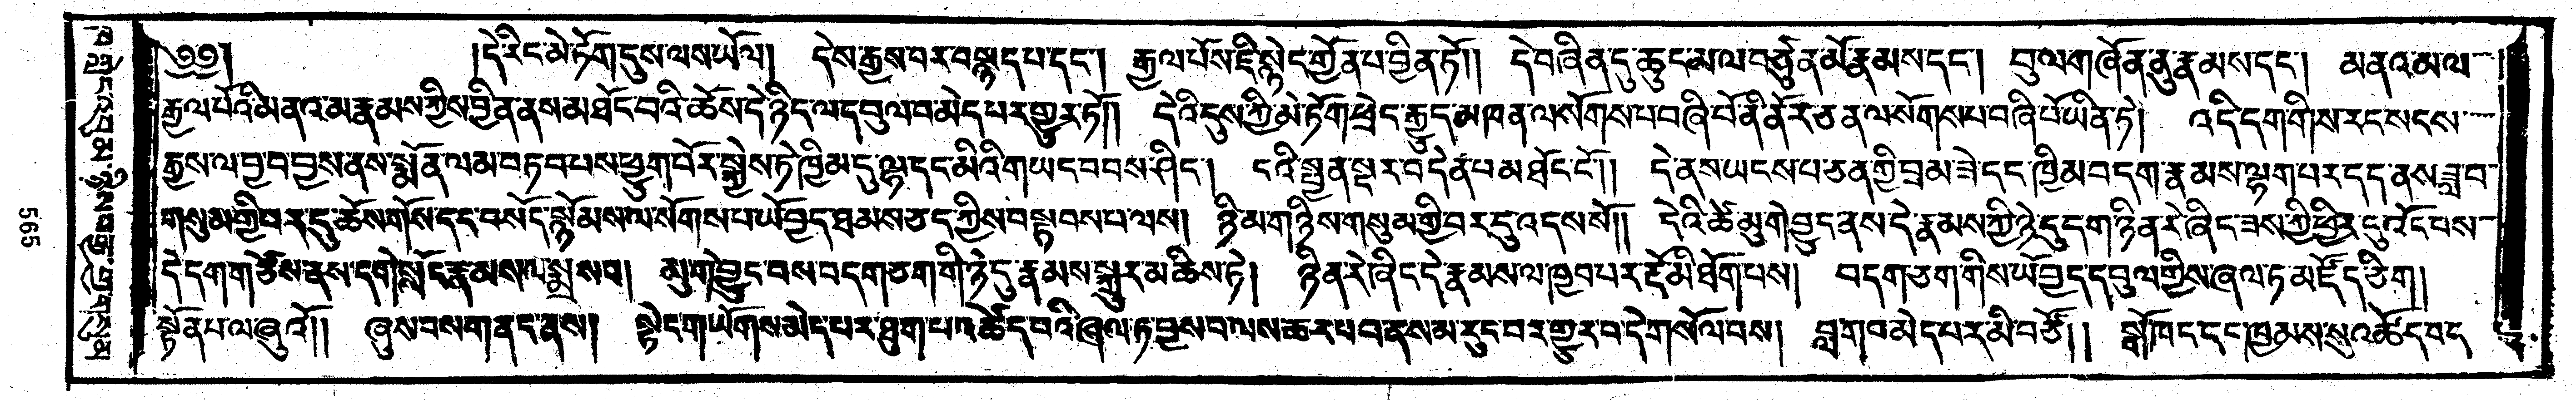༄༅། །དེ་རིང་མེ་ཏོག་དུས་ལས་ཡོལ། དེས་རྒྱས་པར་བསྙད་པ་དང་། རྒྱལ་པོས་ཇི་སྙེད་གྱོན་པ་བྱིན་ཏོ།། དེ་བཞིན་དུ་ཆུང་མ་ལ་བཙུན་མོ་རྣམས་དང་། བུ་ལ་གཞོན་ནུ་རྣམས་དང་། མནའ་མ་ལ་
རྒྱལ་པོའི་མནའ་མ་རྣམས་ཀྱིས་བྱིན་ནས་མཐོང་བའི་ཆོས་དེ་ཉིད་ལ་དབུལ་བ་མེད་པར་གྱུར་ཏོ།། དེའི་དུས་ཀྱི་མེ་ཏོག་ཕྲེང་རྒྱུད་མཁན་ལ་སོགས་པ་བཞི་པོ་ནི་ནོར་ཅན་ལ་སོགས་པ་བཞི་པོ་ཡིན་ཏེ། འདི་དག་གིས་རང་སངས་
རྒྱས་ལ་བྱ་བ་བྱས་ནས་སྨོན་ལམ་བཏབ་པས་ཕྱུག་པོར་སྐྱེས་ཏེ་ཁྱིམ་དུ་ལྷ་དང་མིའི་གཡང་བབས་ཤིང་། ངའི་སྤྱན་སྔར་བདེན་པ་མཐོང་ངོ།། དེ་ནས་ཡངས་པ་ཅན་གྱི་བྲམ་ཟེ་དང་ཁྱིམ་བདག་རྣམས་ལྷག་པར་དད་ནས་ཟླ་བ་
གསུམ་གྱི་བར་དུ་ཆོས་གོས་དང་བསོད་སྙོམས་ལ་སོགས་པ་ཡོ་བྱད་ཐམས་ཅད་ཀྱིས་བསྟབས་པ་ལས། ཉི་མ་གཉིས་གསུམ་གྱི་བར་དུ་འདས་སོ།། དེའི་ཚེ་མུ་གེ་བྱུང་ནས་དེ་རྣམས་ཀྱི་ཉེ་དུ་དག་ཉིན་རེ་ཞིང་ཟས་ཀྱི་ཕྱིར་དུ་འོང་བས་
དེ་དག་གཙེས་ནས་དགེ་སློང་རྣམས་ལ་སྨྲས་བ། མུ་གེ་བྱུང་བས་བདག་ཅག་གི་ཉེ་དུ་རྣམས་སྐྲུར་མ་ཆིས་ཏེ། ཉིན་རེ་ཞིང་དེ་རྣམས་ལ་ཁྱབ་པར་རྔོ་མི་ཐོག་པས། བདག་ཅག་གིས་ཡོ་བྱད་དབུལ་གྱིས་ཞལ་ཏ་མཛོད་ཅིག།
སྟོན་པ་ལ་ཞུའོ།། ཞུས་བས་གནང་ནས། སྟེང་གཡོགས་མེད་པར་ཐུག་པ་འཚེད་བའི་ཞལ་ཏ་བྱས་བ་ལས་ཆར་པབ་ནས་མ་རུང་བར་གྱུར་བ་དེ་གསོལ་བས། བླ་གབ་མེད་པར་མི་བཙོ། སྒོ་ཁང་དང་ཁྱམས་སུ་འཚོད་བད་